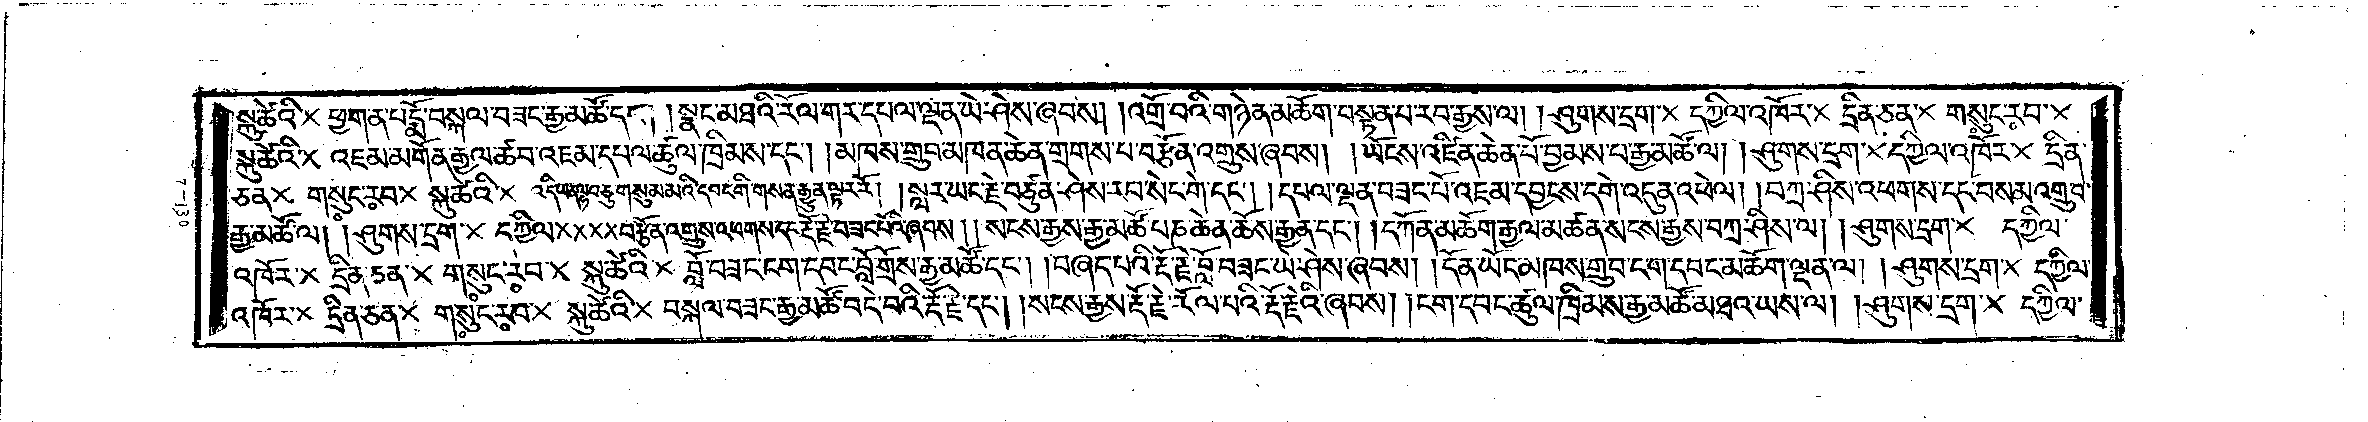སྐུ་ཚེའི་྾་ཕྱག་ན་པདམོ་བསྐལ་བཟང་རྒྱ་མཚོ་དང་། །སྣང་མཐའི་རོལ་གར་དཔལ་ལྡན་ཡེ་ཤེས་ཞབས། །འགྲོ་བའི་གཉེན་མཆོག་བསྟན་པ་རབ་རྒྱས་ལ། །ཤུགས་དྲག་྾་དཀྱིལ་འཁོར་྾་དྲིན་ཅན་྾་གསུང་རབ྾་྾་
སྐུ་ཚེའི་྾་འཇམ་མགོན་རྒྱལ་ཚབ་འཇམ་དཔལ་ཚུལ་ཁྲིམས་དང་། །མཁས་གྲུབ་མཁན་ཆེན་གྲགས་པ་བརྩོན་འགྲུས་ཞབས། །ཡོངས་འཛིན་ཆེན་པོ་བྱམས་པ་རྒྱ་མཚོ་ལ། །ཤུགས་དྲག་྾་དཀྱིལ་འཁོར་྾་དྲིན་
ཅན་྾་གསུང྾་རབ྾་྾་སྐུ་ཚེའི་྾་འདིས་ན་ལྟ་བཅུ་གསུམ་མའི་དབང་གི་གསན་རྒྱུན་ལྟར་རོ།  །སླར་ཡང་རྗེ་བཙུན་ཤེས་རབ་སེང་གེ་དང་། །དཔལ་ལྡན་བཟང་པོ་འཇམ་དབྱངས་དགེ་འདུན་འཕེལ། །བཀྲ་ཤིས་འཕགས་དང་བསམ་འགྲུབ་
རྒྱ་མཚོ་ལ། །ཤུགས་དྲག་྾་དཀྱིལ་྾་྾་྾་྾་བརྩོན་འགྲུས་འཕགས་དང་རྡོ་རྗེ་བཟང་པོའི་ཞབས།  །སངས་རྒྱས་རྒྱ་མཚོ་པཎ་ཆེན་ཆོས་རྒྱན་དང་། །དཀོན་མཆོག་རྒྱལ་མཚན་སངས་རྒྱས་བཀྲ་ཤིས་ལ། །ཤུགས་དྲག་྾་དཀྱིལ་
འཁོར་྾་དྲིན་ཅན་྾་གསུང྾་རབ྾་྾་སྐུ་ཚེའི་྾་བློ་བཟང་ངག་དབང་བློ་གྲོས་རྒྱ་མཚོ་དང་། །བཞད་པའི་རྡོ་རྗེ་བློ་བཟང་ཡེ་ཤེས་ཞབས། །དོན་ཡོད་མཁས་གྲུབ་ངག་དབང་མཆོག་ལྡན་ལ། །ཤུགས་དྲག་྾་དཀྱིལ་
འཁོར་྾་དྲིན་ཅན་྾་གསུང྾་རབ྾་྾་སྐུ་ཚེའི་྾་བསྐལ་བཟང་རྒྱ་མཚོ་བདེ་བའི་རྡོ་རྗེ་དང་། །སངས་རྒྱས་རྡོ་རྗེ་རོལ་པའི་རྡོ་རྗེའི་ཞབས། །ངག་དབང་ཚུལ་ཁྲིམས་རྒྱ་མཚོ་མཐའ་ཡས་ལ། །ཤུགས་དྲག་྾་དཀྱིལ་